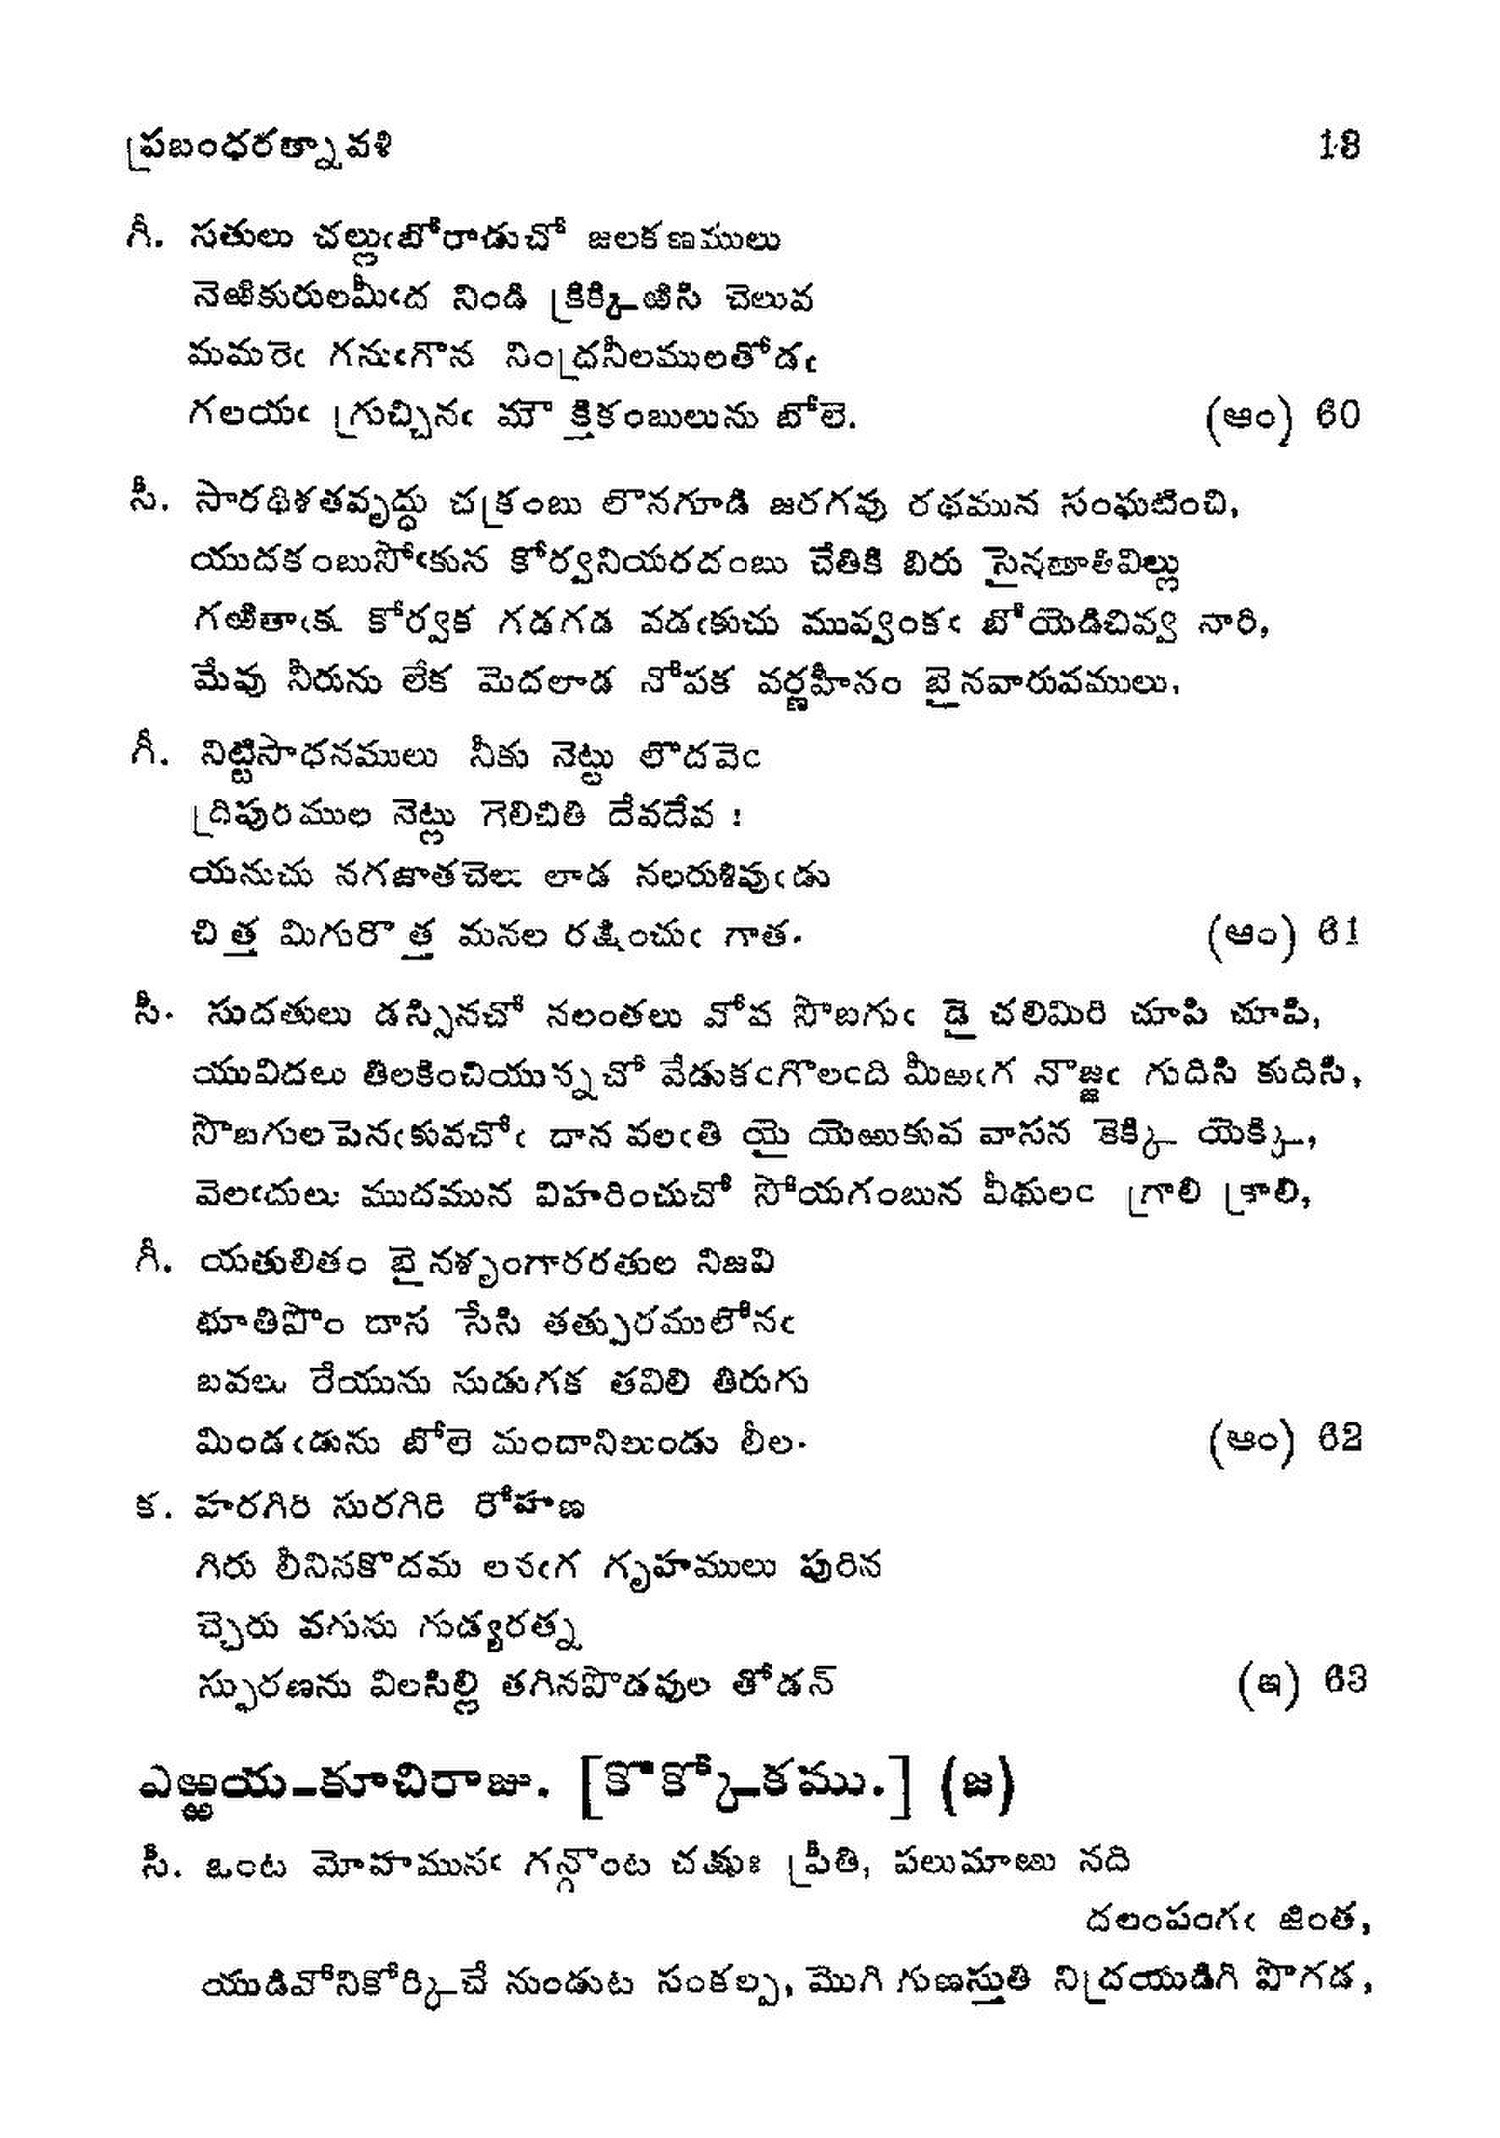తే. సతులు చల్లుఁ బోరాడుచో జలకణములు
నెఱికురులమీఁద నిండి క్రిక్కిఱిసి చెలువ
మమరెఁ గనుఁగొన నింద్రనీలములతోడఁ
గలయఁ గ్రుచ్చిన మౌక్తికంబులునువోలె. (ఆం) 60

సీ. సారథిశతవృద్ధు చక్రంబు లొనగూడి జరగవు రథమున సంఘటించి
యుదకంబుసోఁకున కోర్వనియరదంబు చేతికి బిరుసైన ఱాతివిల్లు
గఱితాఁకు కోర్వక గడగడ వడఁకుచు మువ్వంకఁ బోయెడి చివ్వనారి
మేఁపు నీరును లేక మెదలాడ నోపక వర్ణహీనంబైన వారువములు
తే. నిట్టిసాధనములు నీకు నెట్టు లొదవె 
ద్రిపురముల నెట్టు గెలిచితి దేవదేవ!
యనుచు నగజాతచెలు లాడ నలరు శివుఁడు
చిత్త మిగురొత్త మనల రక్షించుఁ గాత. (ఆం) 61

సీ. సుదతులు డస్సినచో నలంతలు వోవ సొబగుఁడై చలిమిరి చూపి చూపి
యువిదలు తిలకించి యున్నచో వేడుకఁ గొలఁది మీఱఁగ నొజ్జఁ గుదిసి కుదిసి
సుభగుల పెనఁకువచోఁ దాన వలఁతి యై యెఱుకువ వాసన కెక్కి యెక్కి
వెలదులు ముదమున విహరించుచో సోయ గంబున వీథులఁ గ్రాలి క్రాలి
తే. యతులితం బైన శృంగారరతుల నిజవి
భూతిపొందాస సేసి తత్పురములోనఁ
బవలు రేయును నుడుగక తవిలి తిరుగు
మిండఁడును బోలె మందానిలుండు లీల. (ఆం) 62

క. హరగిరి సురగిరి రోహణ
గిరు లీనినకొదమ లనఁగ గృహములు పురి న
చ్చెరు వగును గుడ్యరత్న
స్ఫురణను విలసిల్లి తగినపొడవులతోడన్. (ఇ) 63

 
సీ. ఒంట మౌహమునఁ గన్గొంట చక్షుఃప్రీతి, పలుమాఱు నది దలంపంగఁ జింత,
యుడివోనికోర్కిచే నుండుట సంకల్ప, మొగి గుణస్తుతి నిద్రయుడిగి పొగడ,